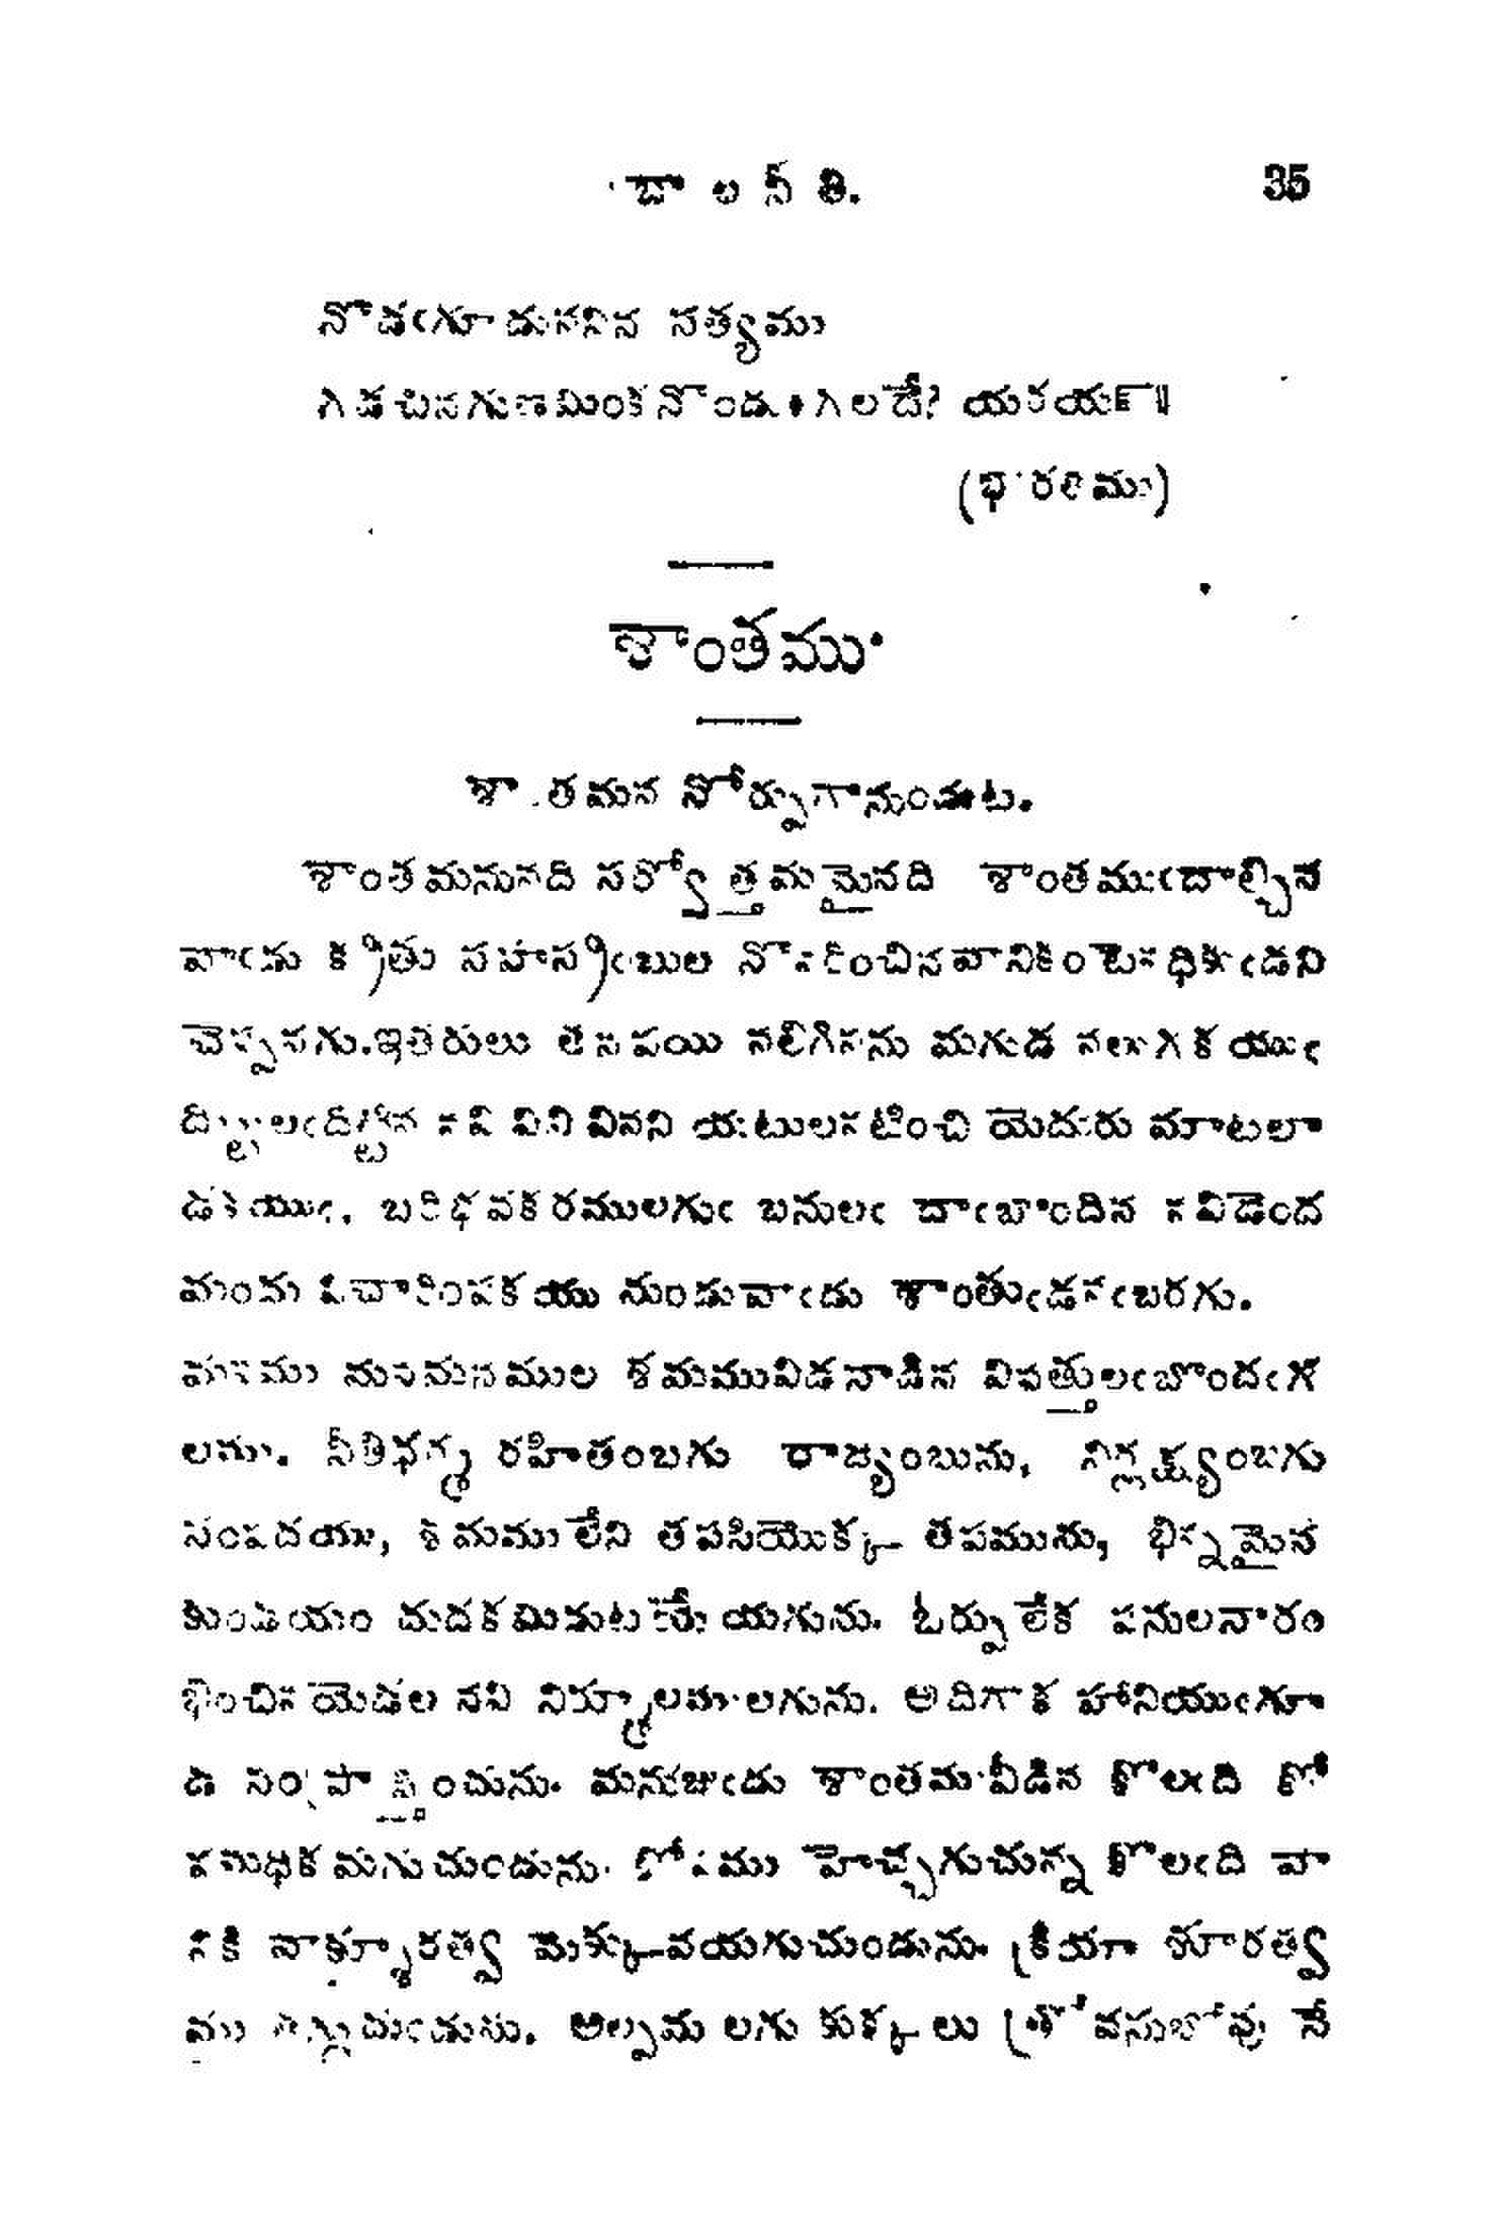నొడఁగూడుననిన సత్యము
 గడచినగుణమింకనొండు♦గలదే? యరయన్ ॥
 (భారతము)

శాంతము.

శాంతమనునది సర్వోత్తమమైనది. శాంతముఁదాల్చిన 
వాఁడు క్రతు సహస్రంబుల నొనరించినవానికంటె నధికుఁడని
చెప్పనగు. ఇతరులు తనపయి నలిగినను మగుడ నలుగకయుఁ 
దిట్టులఁదిట్టిన నవి విని వినని యటులనటించి యెదురు మాటలా
డకయుఁ, బరిభవకరములగుఁ బనుల దాఁబొందిన నవిడెంద
మందు విచారింపకయు నుండువాఁడు శాంతుఁడనఁబరగు. 
మనము మనమనముల శమమువిడనాడిన విపత్తులఁబొందఁగ
లము. నీతిధర్మ రహితంబగు రాజ్యంబును, నిర్లక్ష్యంబగు 
సంపదయు, శమము లేని తపసియొక్క తపమును, భిన్నమైన 
కుండయం దుదకమిడుటయే యగును. ఓర్పులేక పనులనారం
భించినయెడల నవి నిర్మూలములగును. అదిగాక హానియుఁగూ
డ సంప్రాప్తించును. మనుజుఁడు శాంతమువీడిన కొలఁది కో
పమధికమగుచుండును. కోపము హెచ్చగుచున్న కొలఁది వా
నికి వాక్శూరత్వ మెక్కువయగుచుండును. క్రియా శూరత్వ
ము తగ్గుచుండును. అల్పమ లగు కుక్కలు త్రోవనుబోవు నే